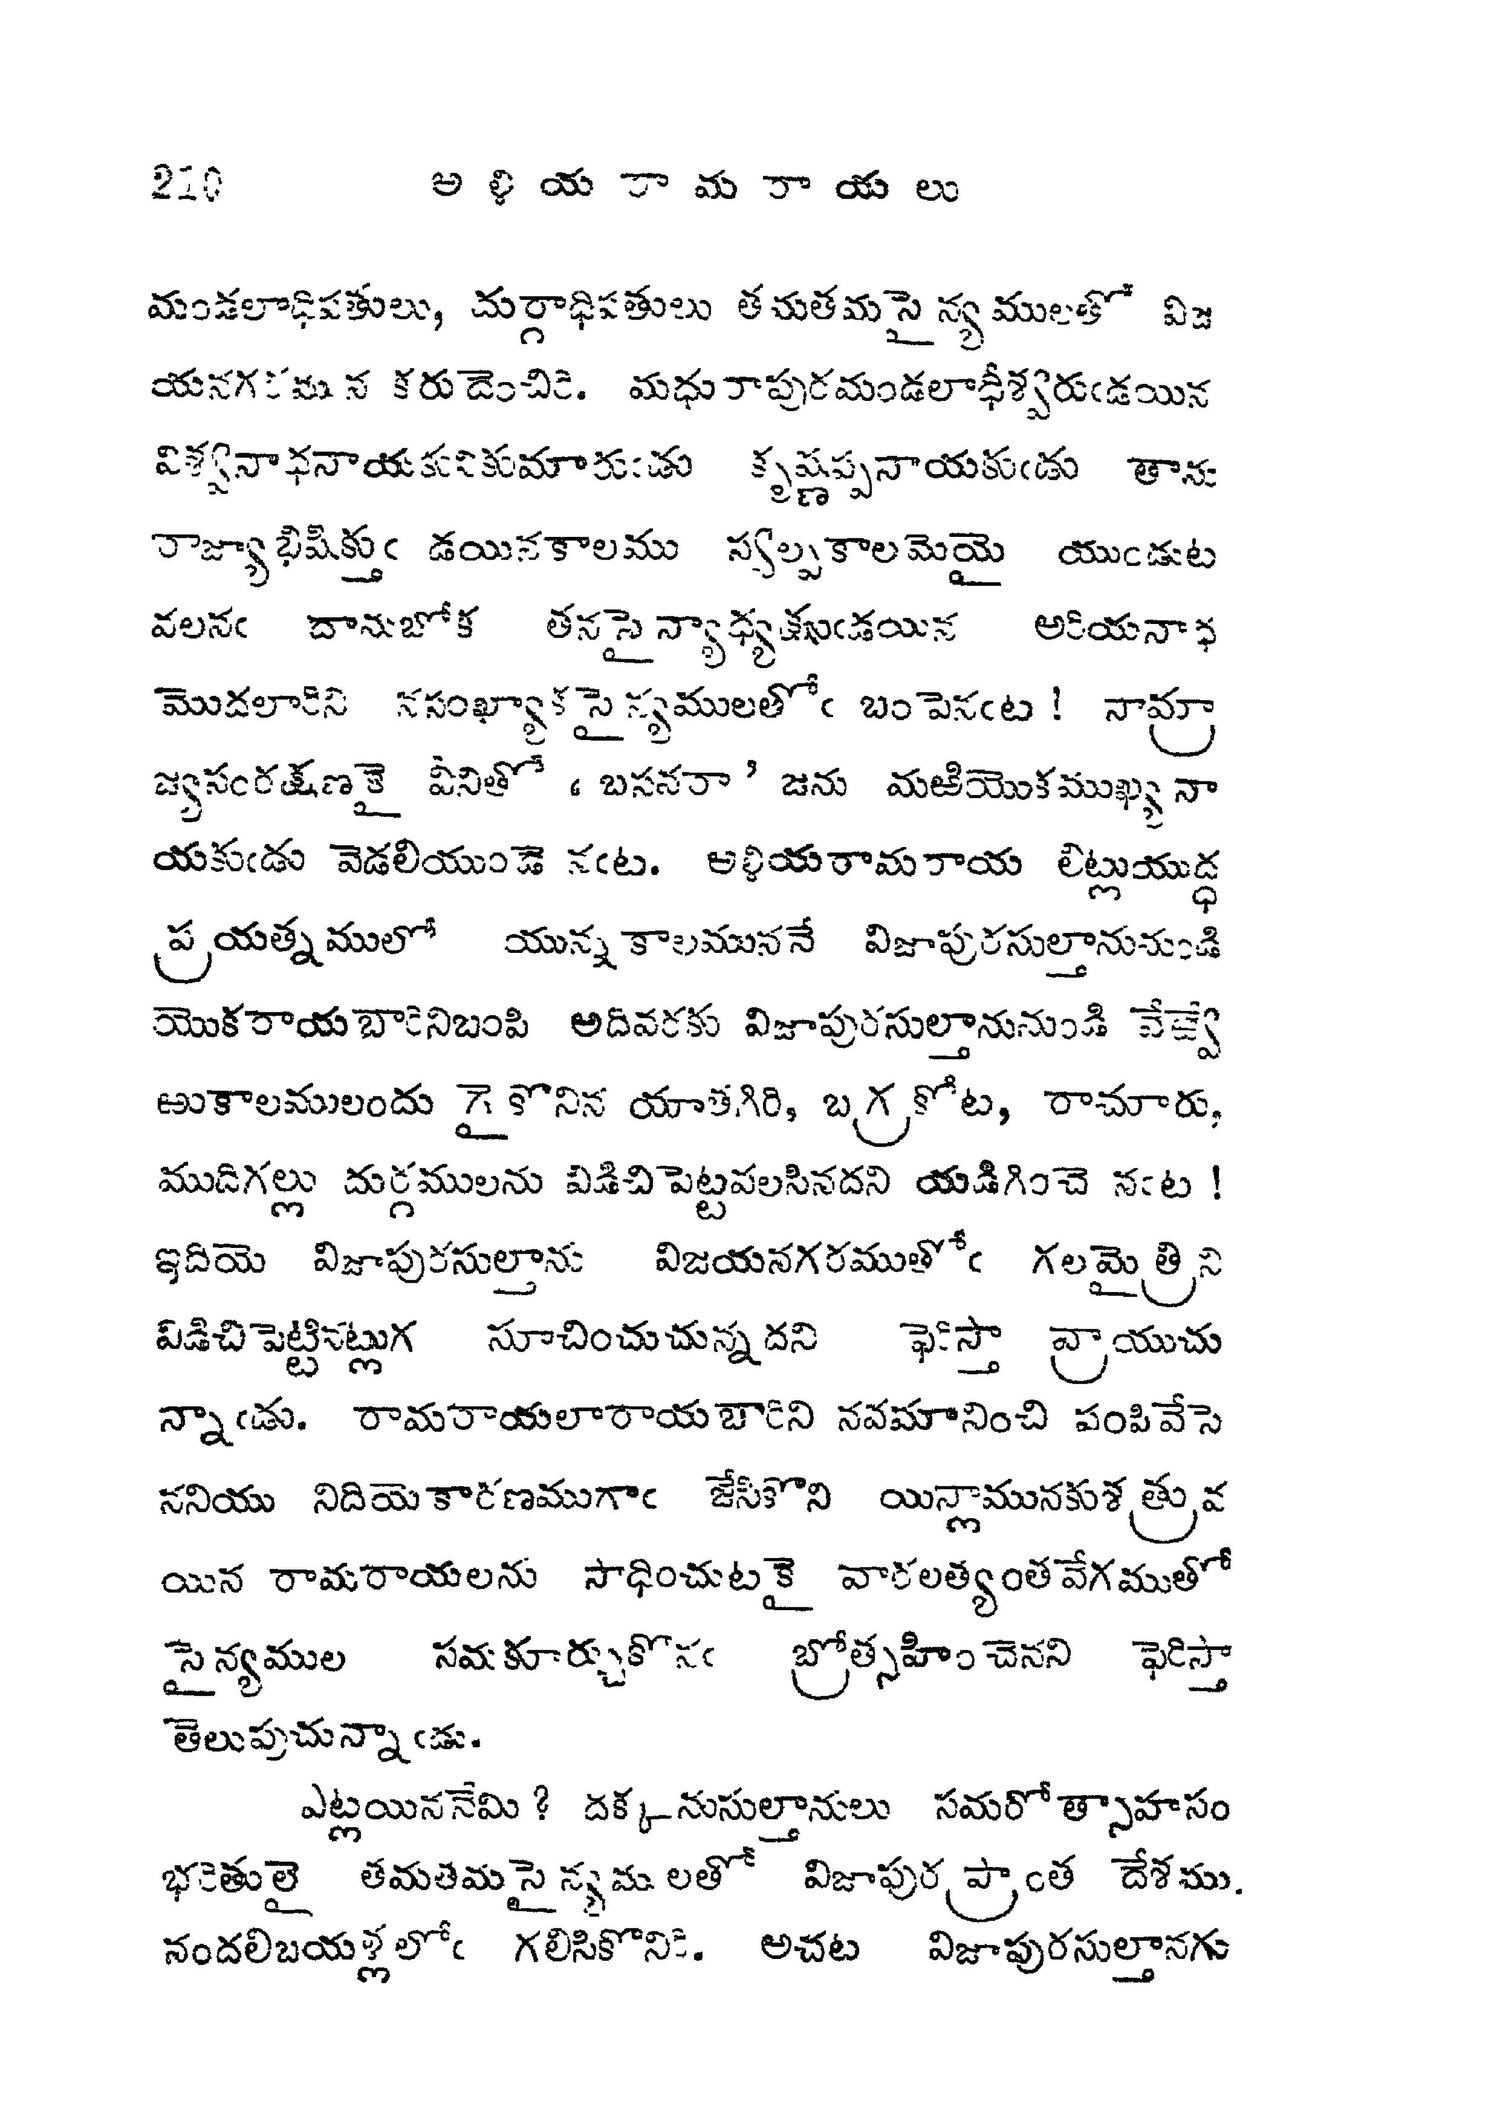మండలాధిపతులు, దుర్గాధిపతులు తమతమసైన్యములతో విజయనగరమున కరుదెంచిరి. మధురాపురమండలాధీశ్వరుడయిన విశ్వనాథనాయకునికుమారుడు కృష్ణప్పనాయకుడు తాను రాజ్యాభిషిక్తు డయినకాలము స్వల్పకాలమెయై యుండుట వలన దానుబోక తనసైన్యాధ్యక్షుడయిన అరియనాధ మొదలారిని నసంఖ్యాకసైన్యములతో బంపెనట ! సామ్రాజ్యసంరక్షణకై వీనితో 'బసవరా' జను మఱియొకముఖ్యనాయకుడు వెడలియుండె నట. అళియరామరాయ లిట్లుయుద్ధప్రయత్నములో యున్నకాలముననే విజాపురసుల్తానునుండి యొకరాయబారినిబంపి అదివరకు విజాపురసుల్తానునుండి వేఱ్వేఱుకాలములందు గైకొనిన యాతగిరి, బగ్రకోట, రాచూరు, ముదిగల్లు దుర్గములను విడిచిపెట్టవలసినదని యడిగించెనట ! ఇదియె విజాపురసుల్తాను విజయనగరముతో గలమైత్రిని విడిచిపెట్టినట్లుగ సూచించుచున్నదని ఫెరిస్తా వ్రాయుచున్నాడు. రామరాయలా రాయబారిని నవమానించి పంపివేసెననియు నిదియె కారణముగా జేసికొని యిస్లామునకు శత్రువయిన రామరాయలను సాధించుటకై వారలత్యంతవేగముతో సైన్యముల సమకూర్చుకొన బ్రోత్సహించెనని ఫెరిస్తా తెలుపుచున్నాడు.

ఎట్లయిననేమి? దక్కనుసుల్తానులు సమరోత్సాహసంభరితులై తమతమసైన్యములతో విజాపురప్రాంత దేశమునందలి బయళ్లలో గలిసికొనిరి. అచట విజాపురసుల్తానగు